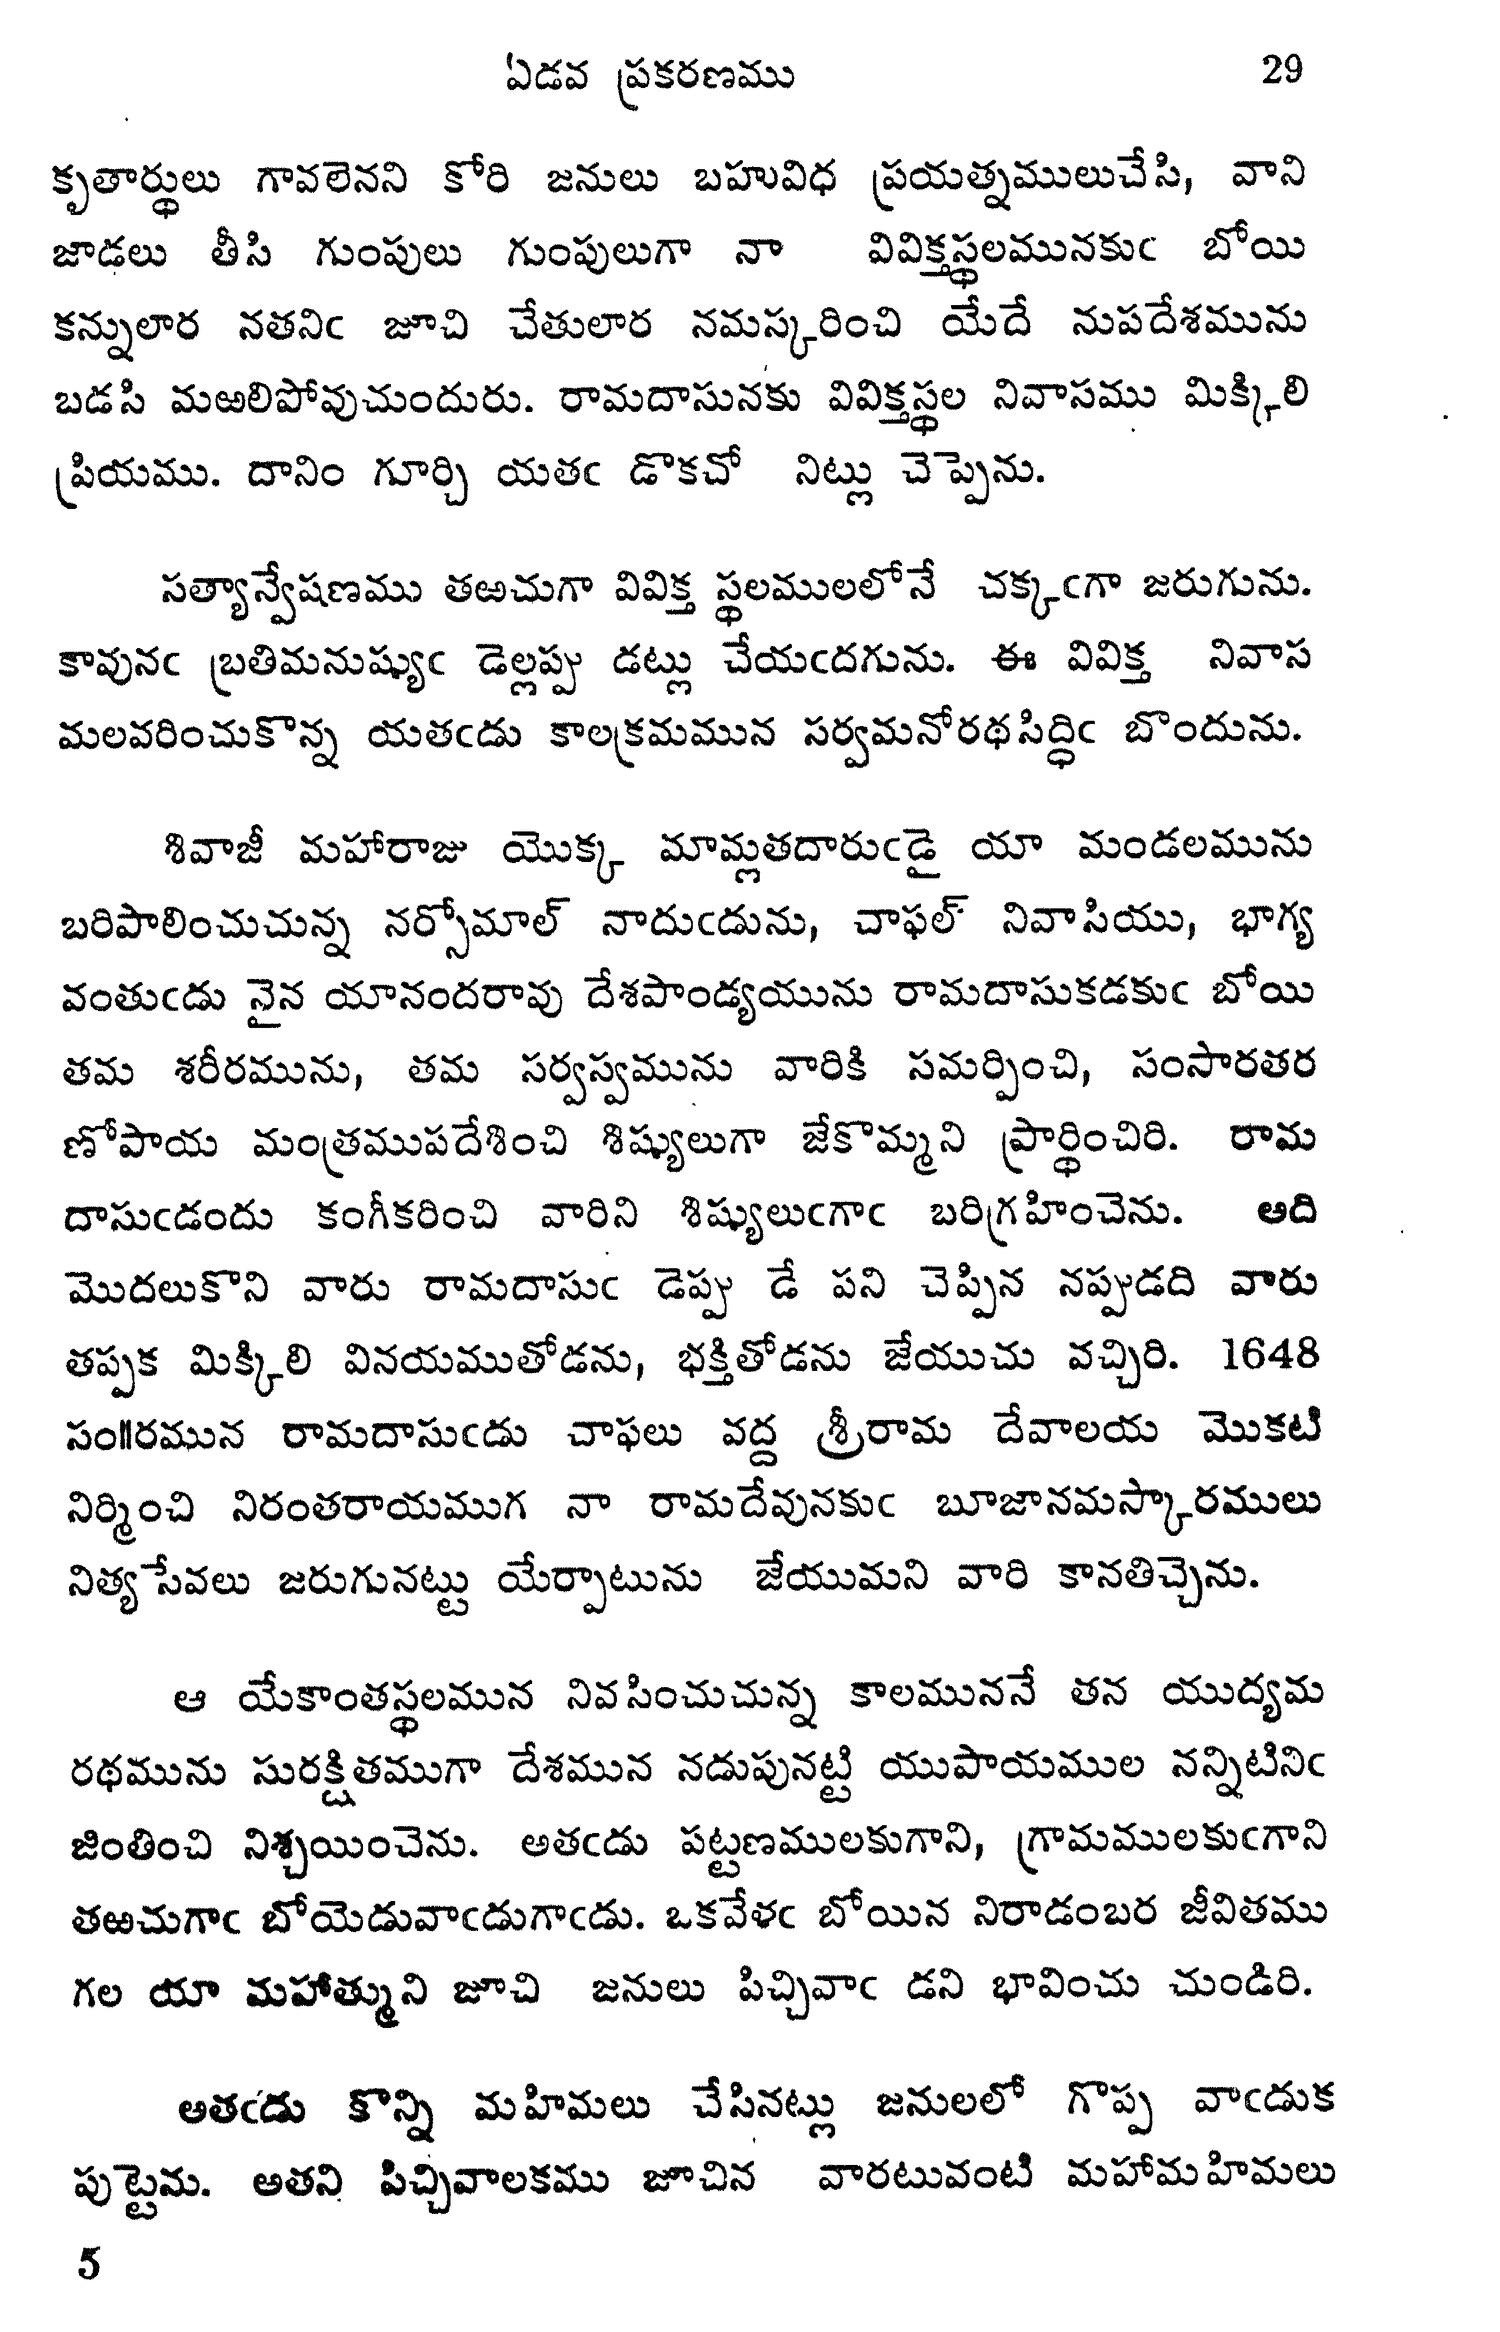కృతార్థులు గావలెనని కోరి జనులు బహువిధ ప్రయత్నములుచేసి, వాని జాడలు తీసి గుంపులు గుంపులుగా నా వివిక్షస్థలమునకు బోయి కన్నులార నతని జూచి చేతులార ననస్కరించి యేదే నుపదేశమును బడసి మఱలిపోవుచుందురు. రామదాసునకు వివిక్షస్థల నివాసము మిక్కిలి ప్రియము. దానిం గూర్చి యత డొకచో నిట్లు చెప్పెను.

సత్యాన్వేషణము తఱచుగా వివిక్త స్థలములలోనే చక్కగా జరుగును. కావున బ్రతిమనుష్యు డెల్లప్పు డట్లు చేయదగును. ఈ వివిక్త నివాస మలవరించుకొన్న యతడు కాలక్రమమున సర్వమనోరథసిద్ధి బొందును.

సివాజీ మహారాజు యొక్క మామ్లతదారుడై యా మండలమును బరిపాలించుచున్న నర్సోమాల్ నాదుడును, చాఫల్ నివాసియు, భాగ్యవంతుడు నైన యానందరావు దేశపాండ్యయును రామదాసుకడకు బోయి తమ శరీరమును, తమ సర్వస్వమును వారికి సమర్పించి, సంసారతరణోపాయ మంత్రముపదేశించి శిష్యులుగా జేకొమ్మని ప్రార్థించిరి. రామదాసుడందు కంగీకరించి వారిని శిష్యులుగా బరిగ్రహించెను. అది మొదలుకొని వారు రామదాసు డెప్పు డే పని చెప్పిన నప్పుడది వారు తప్పక మిక్కిలి వినయముతోడను, భక్తితోడను జేయుచు వచ్చిరి. 1648 సం.రమున రామదాసుడు చాఫలు వద్ద శ్రీరామ దేవాలయ మొకటి నిర్మించి నిరంతరాయముగ నా రామదేవునకు బూజానమస్కారములు నిత్యసేవలు జరుగునట్టు యేర్పాటును జేయమని వారి కానతిచ్చెను.

ఆ యేకాంతస్థలమున నివసించుచున్న కాలముననే తన యుద్యమ రథమును సురక్షితముగా దేశమున నడుపునట్టి యుపాయముల నన్నిటిని జింతించి నిశ్చయించెను. అతడు పట్టణములకుగాని, గ్రామములకుగాని తఱచుగా బోయెడువాడుగాడు. ఒకవేళ బోయిన నిరాడంబర జీవితము గల యా మహాత్ముని జూచి జనులు పిచ్చివా డని భావించుచుండిరి.

ఆతడు కొన్ని మహిమలు చేసినట్లు జనులలో గొప్ప వాడుక పుట్టెను. అతని పిచ్చివాలకము జూచిన వారటువంటి మహామహిమలు